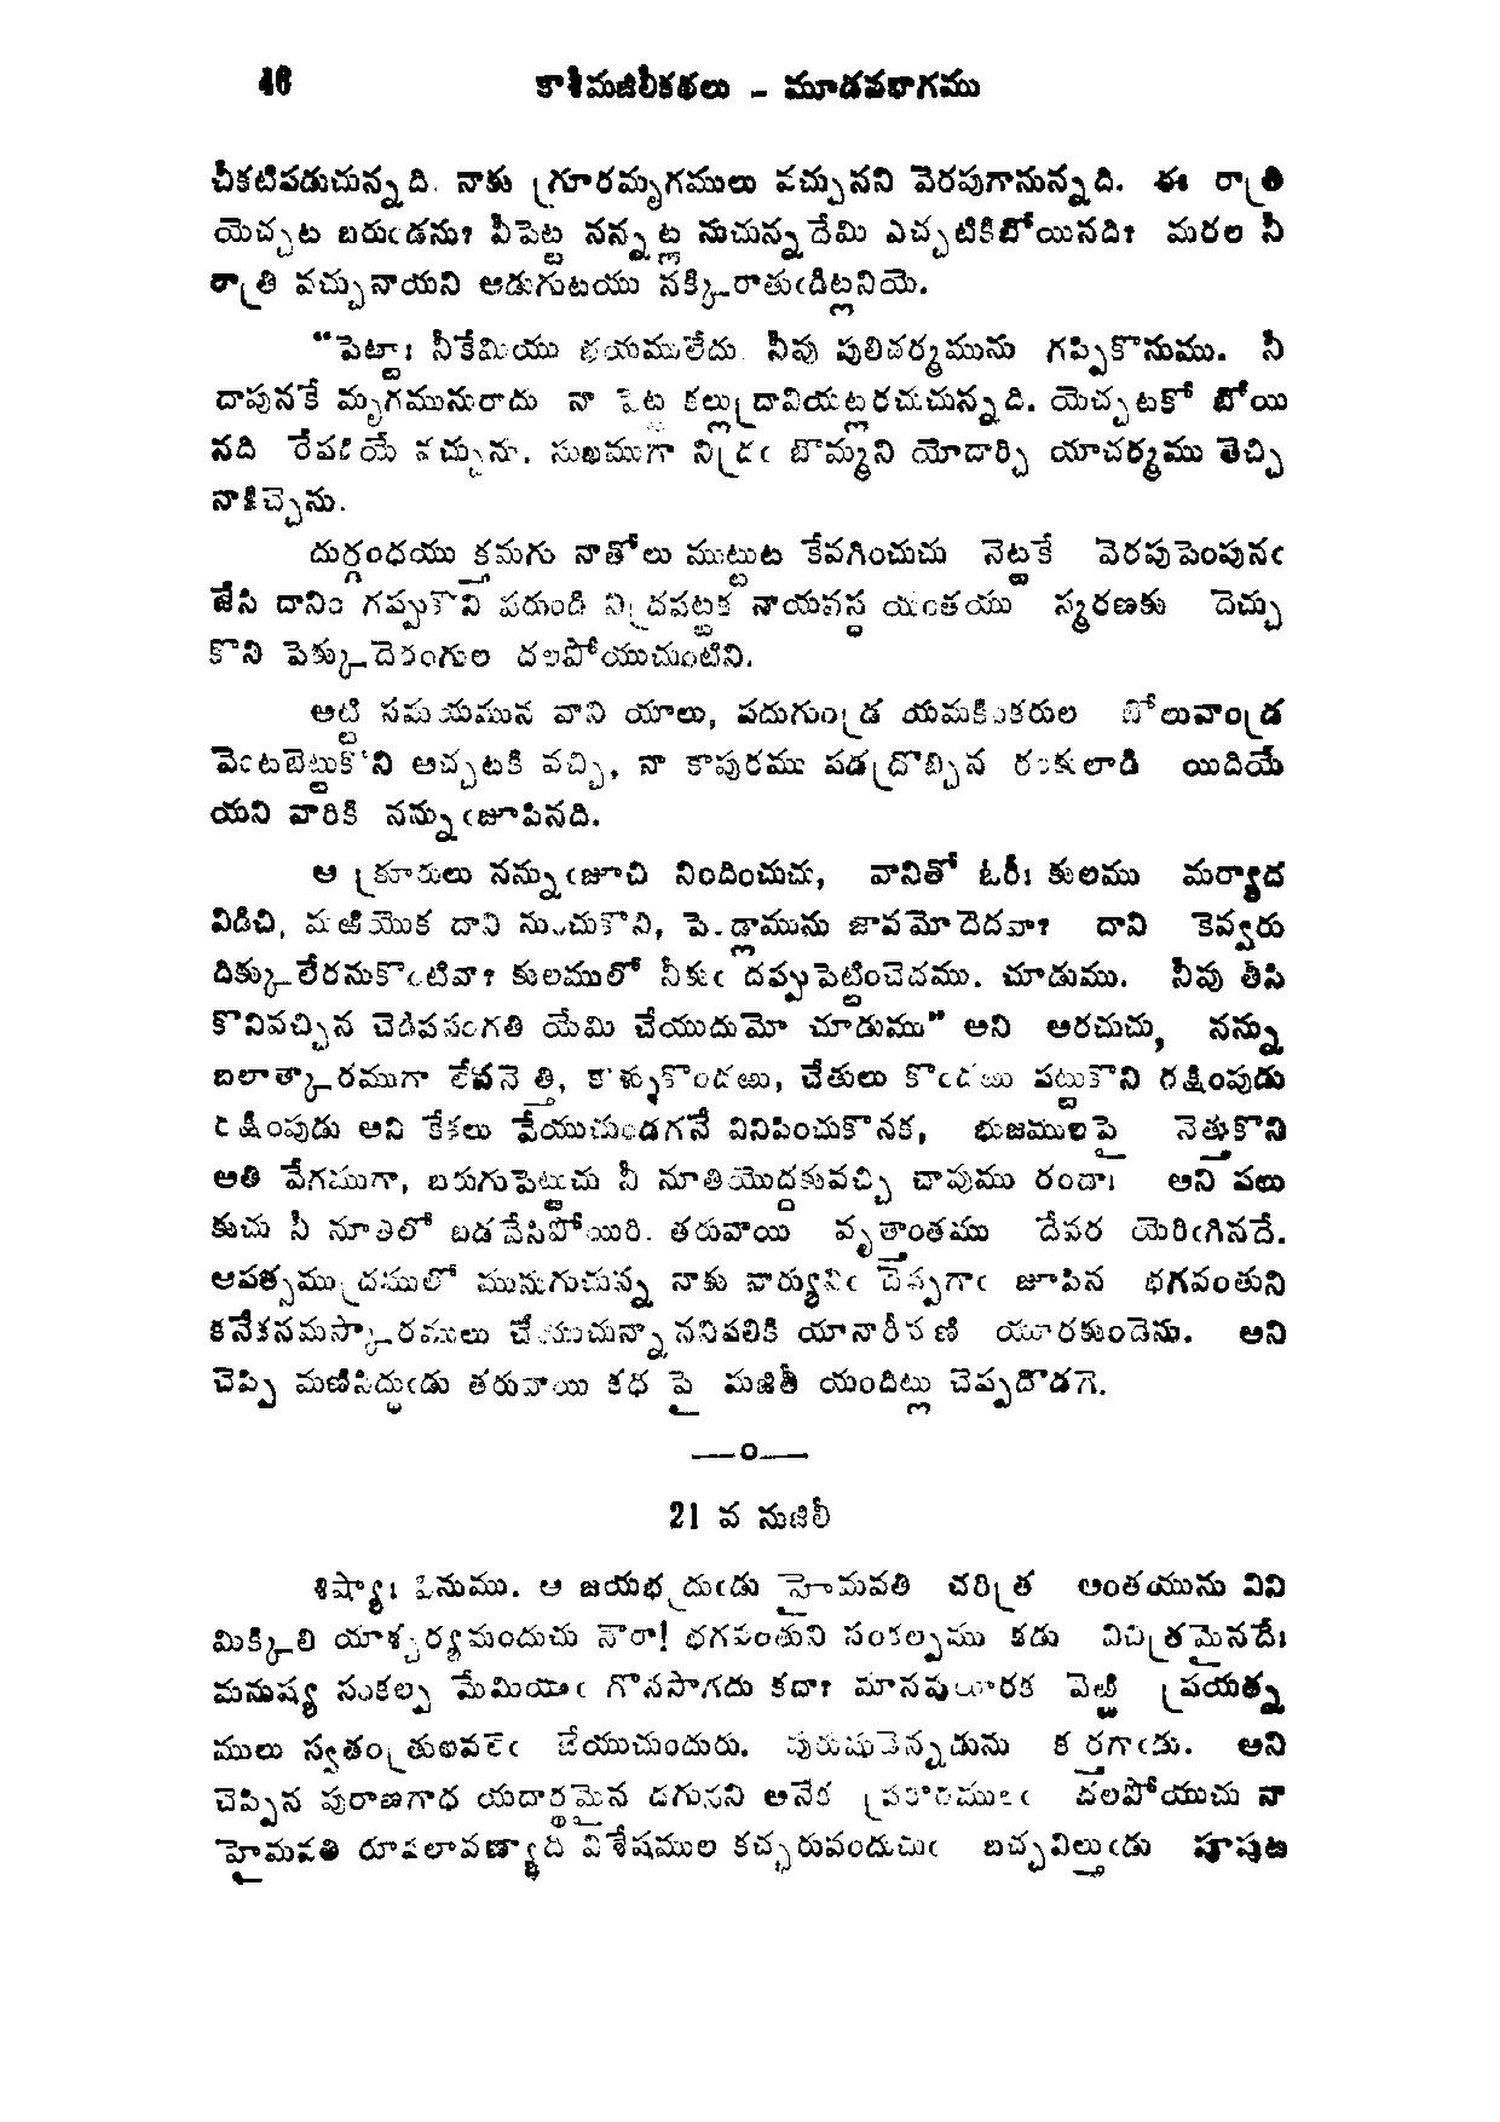చీకటిపడుచున్నది. నాకు గ్రూరమృగములు వచ్చునని వెరపుగానున్నది. ఈ రాత్రి యెచ్చట బరుండను? నీపెట్ట నన్నట్ల నుచున్న దేమి ఎచ్చటికిబోయినది? మరల నీ రాత్రి వచ్చునాయని అడుగుటయు నక్కిరాతుఁడిట్లనియె.

“పెట్టా! నీకేమియు భయములేదు. నీవు పులిచర్మమును గప్పికొనుము. నీ దాపునకే మృగమునురాదు నా పెట్ట కల్లుద్రావి యట్లరచుచున్నది. యెచ్చటకో బోయినది రేపదియే వచ్చును. సుఖముగా నిద్రఁ బొమ్మని యోదార్చి యాచర్మము తెచ్చి నాకిచ్చెను.

దుర్గంధయు క్తమగు నాతోలు ముట్టుట కేవగించుచు నెట్టకే వెరపుపెంపునఁ జేసి దానిం గప్పుకొని పరుండి నిద్రపట్టక నాయవస్థ యంతయు స్మరణకు దెచ్చుకొని పెక్కు దెరంగుల దలపోయుచుంటిని.

అట్టి సమయమున వాని యాలు, పదుగుండ్ర యమకింకరుల బోలువాండ్ర వెంటబెట్టుకొని అచ్చటకి వచ్చి, నా కాపురము పడద్రొబ్బిన రంకులాడి యిదియే యని వారికి నన్నుఁజూపినది.

ఆ క్రూరులు నన్నుఁజూచి నిందించుచు, వానితో ఓరీ! కులము మర్యాద విడిచి, మఱియొక దాని నుంచుకొని, పెండ్లామును జావమోదెదవా? దాని కెవ్వరు దిక్కు లేరనుకొంటివా? కులములో నీకుఁ దప్పు పెట్టించెదము. చూడుము. నీవు తీసికొనివచ్చిన చెడిపసంగతి యేమి చేయుదుమో చూడుము" అని అరచుచు, నన్ను బలాత్కారముగా లేవనెత్తి, కాళ్ళు కొందఱు, చేతులు కొందఱు పట్టుకొని రక్షింపుడు రక్షింపుడు అని కేకలు వేయుచుండగనే వినిపించుకొనక, భుజములపై నెత్తుకొని అతి వేగముగా, బరుగుపెట్టుచు నీ నూతియొద్దకు వచ్చి చావుము రండా! అని పలుకుచు నీ నూతిలో బడవేసిపోయిరి. తరువాయి వృత్తాంతము దేవర యెరిఁగినదే. ఆపత్సముద్రములో మునుగుచున్న నాకు నార్యునిఁ దెప్పగాఁ జూపిన భగవంతుని కనేకనమస్కారములు చేయుచున్నానని పలికి యానారీమణి యూరకుండెను. అని చెప్పి మణిసిద్ధుఁడు తరువాయి కధ పై మజిలీ యందిట్లు చెప్పదొడగె.

21 వ మజిలీ

శిష్యా! వినుము. ఆ జయభద్రుఁడు హైమవతి చరిత్ర అంతయును విని మిక్కిలి యాశ్చర్యమందుచు నౌరా! భగవంతుని సంకల్పము కడు విచిత్రమైనదే! మనుష్య సంకల్ప మేమియుఁ గొనసాగదు కదా? మానవు లూరక వెఱ్ఱిప్రయత్నములు స్వతంత్రులవలెఁ జేయుచుందురు. పురుషు డెన్నడును కర్తగాఁడు. అని చెప్పిన పురాణగాథ యథార్థమైన దగునని అనేక ప్రకారములఁ దలపోయుచు నాహైమవతి రూపలావణ్యాది విశేషముల కచ్ఛరువందుచుఁ బచ్చవిల్తుఁడు పూపుట